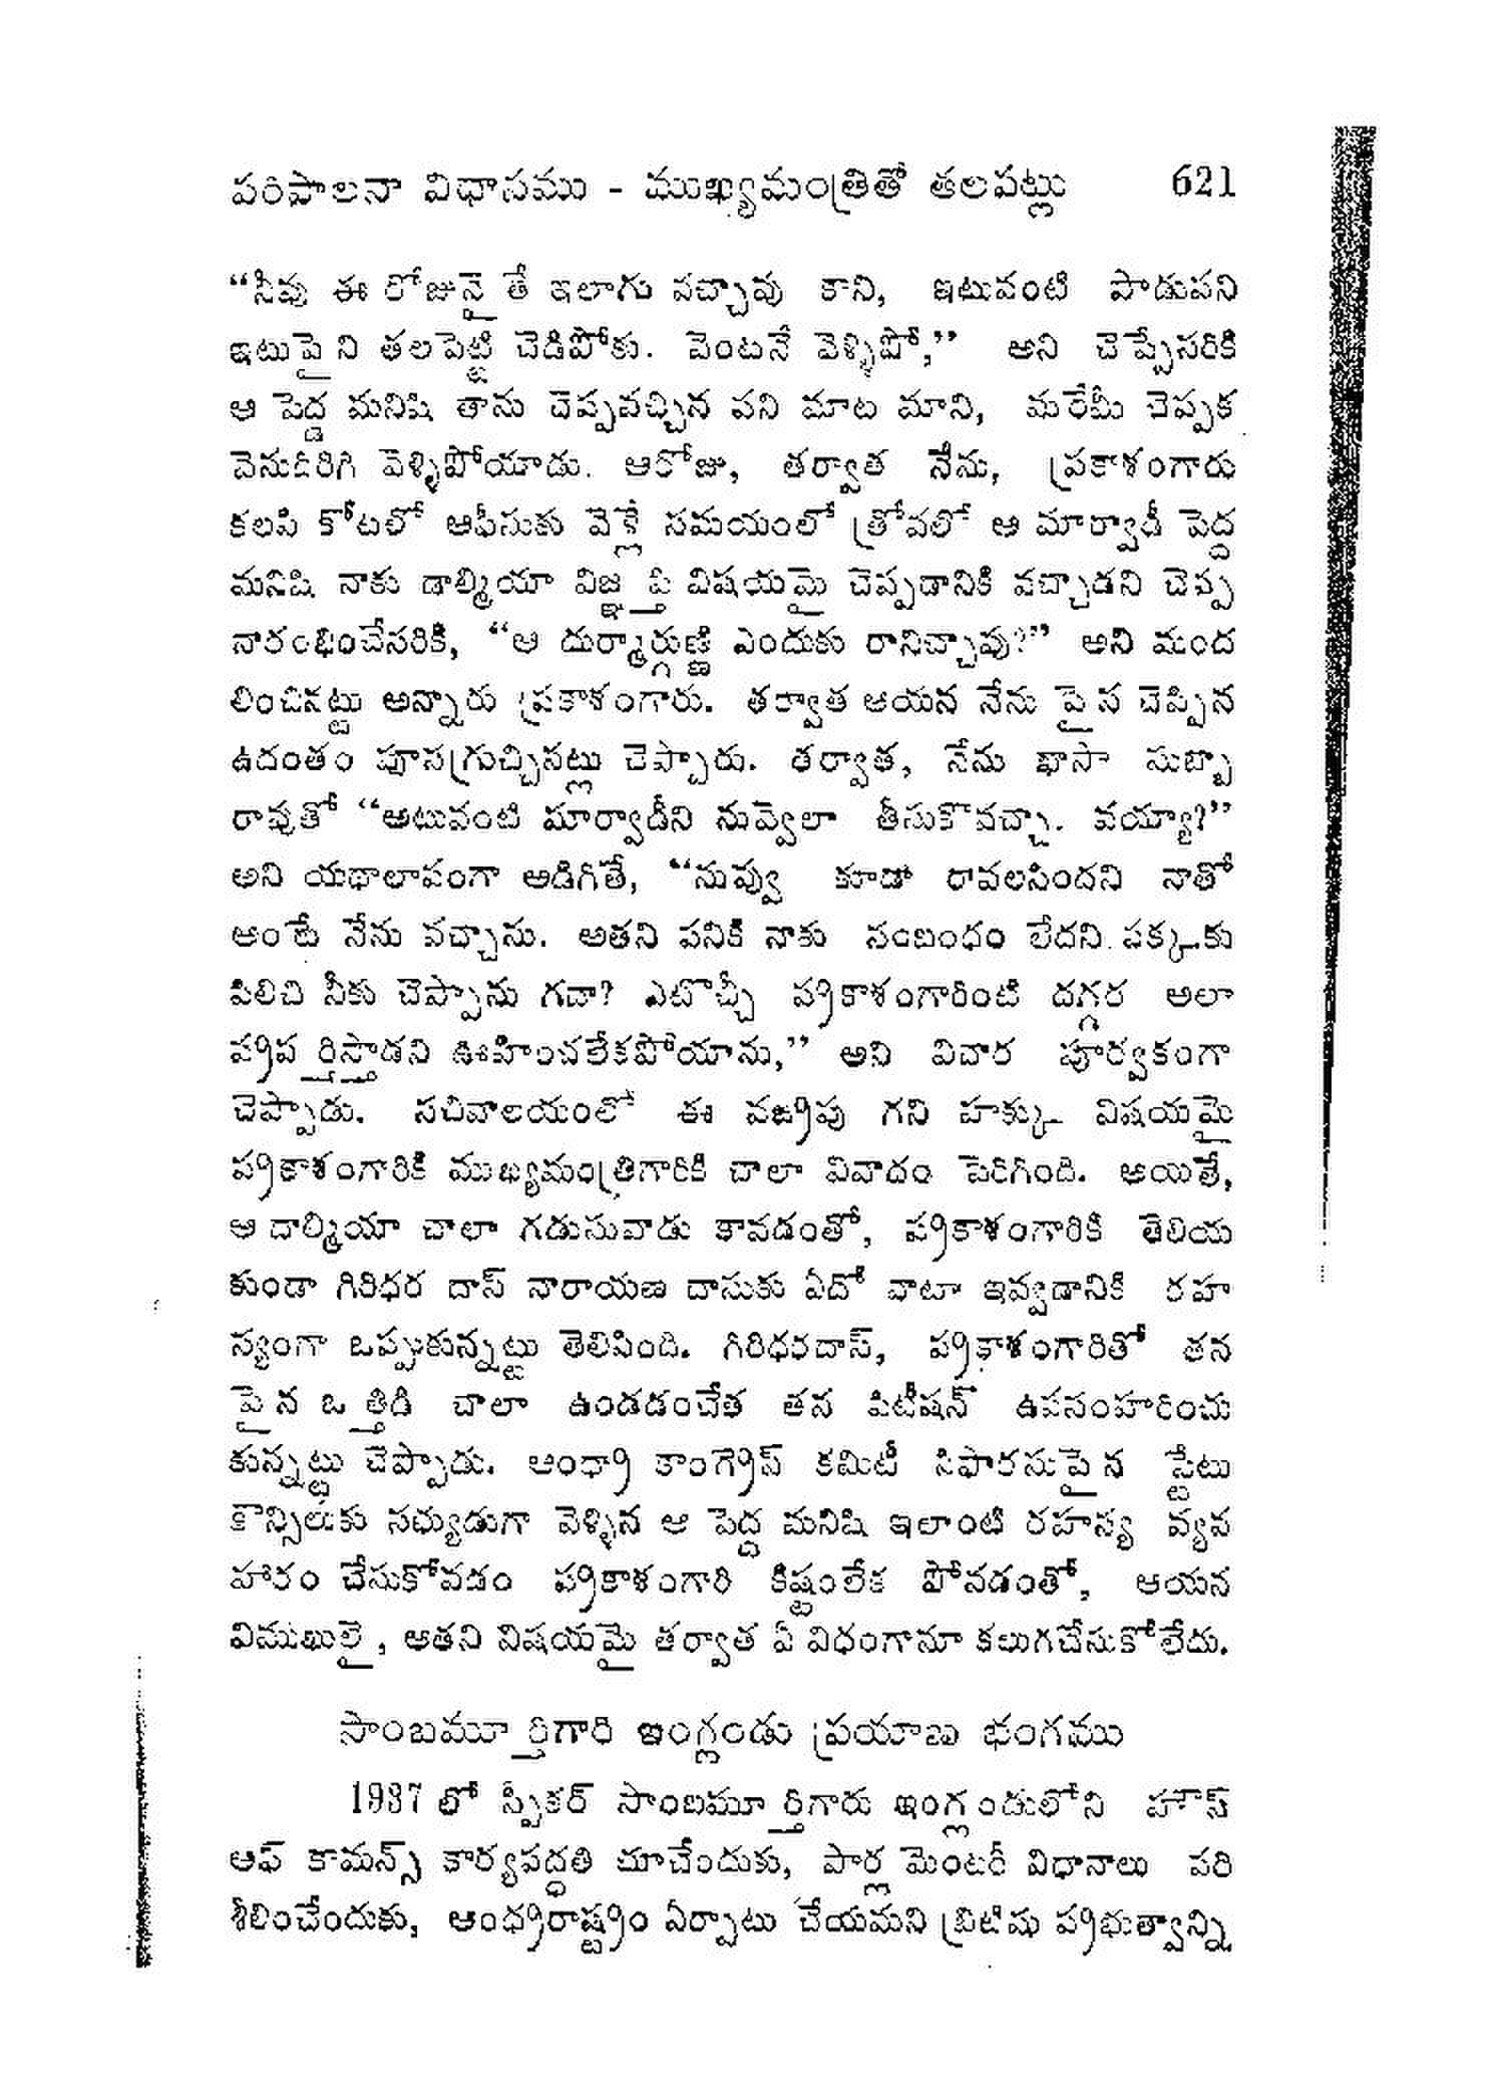"నీవు ఈ రోజునైతే ఇలాగు వచ్చావు కాని, ఇటువంటి పాడుపని ఇటుపైని తలపెట్టి చెడిపోకు వెంటనే వెళ్ళిపో," అని చెప్పేసరికి ఆ పెద్ద మనిషి తాను చెప్పవచ్చిన పని మాట మాని, మరేమీ చెప్పక వెనుదిరిగి వెళ్ళిపోయాడు. ఆరోజు, తర్వాత నేను, ప్రకాశంగారు కలసి కోటలో ఆఫీసుకు వెళ్లే సమయంలో త్రోవలో ఆ మార్వాడీ పెద్దమనిషి నాకు డాల్మియా విజ్ఞప్తి విషయమై చెప్పడానికి వచ్చాడని చెప్ప నారంభించేసరికి, "ఆ దుర్మార్గుణ్ణి ఎందుకు రానిచ్చావు?" అని మందలించినట్టు అన్నారు ప్రకాశంగారు. తర్వాత ఆయన నేను పైన చెప్పిన ఉదంతం పూసగ్రుచ్చినట్లు చెప్పారు. తర్వాత, నేను ఖాసా సుబ్బారావుతో "అటువంటి మార్వాడీని నువ్వెలా తీసుకొవచ్చా వయ్యా?" అని యథాలాపంగా అడిగితే, "నువ్వు కూడా రావలసిందని నాతో అంటే నేను వచ్చాను. అతని పనికి నాకు సంబంధం లేదని పక్కకు పిలిచి నీకు చెప్పాను గదా? ఎటొచ్చీ ప్రకాశంగారింటి దగ్గర అలా ప్రవర్తిస్తాడని ఊహించలేక పోయాను," అని విచార పూర్వకంగా చెప్పాడు. సచివాలయంలో ఈ వజ్రపు గని హక్కు విషయమై ప్రకాశంగారికి ముఖ్యమంత్రిగారికి చాలా వివాదం పెరిగింది. అయితే, ఆ డాల్మియా చాలా గడుసువాడు కావడంతో, ప్రకాశంగారికి తెలియకుండా గిరిధర దాస్ నారాయణ దాసుకు ఏదో వాటా ఇవ్వడానికి రహస్యంగా ఒప్పుకున్నట్టు తెలిసింది. గిరిధరదాస్, ప్రకాశంగారితో తనపైన ఒత్తిడి చాలా ఉండడంచేత తన పిటీషన్ ఉపసంహరించు కున్నట్టు చెప్పాడు. ఆంధ్రా కాంగ్రెస్ కమిటీ సిపారసుపైన స్టేటు కౌన్సిలుకు సభ్యుడుగా వెళ్ళిన ఆ పెద్ద మనిషి ఇలాంటి రహస్య వ్యవహారం చేసుకోవడం ప్రకాశంగారి కిష్టంలేక పోవడంతో, ఆయన విముఖులై, అతని విషయమై తర్వాత ఏ విధంగానూ కలుగచేసుకోలేదు.

1937 లో స్పీకర్ సాంబమూర్తిగారు ఇంగ్లండులోని హౌస్ ఆఫ్ కామన్స్ కార్యపద్ధతి చూచేందుకు, పార్ల మెంటరీ విధానాలూ పరిశీలించేందుకు, ఆంధ్రరాష్ట్రం ఏర్పాటు చేయమని బ్రిటిషు ప్రభుత్వాన్ని